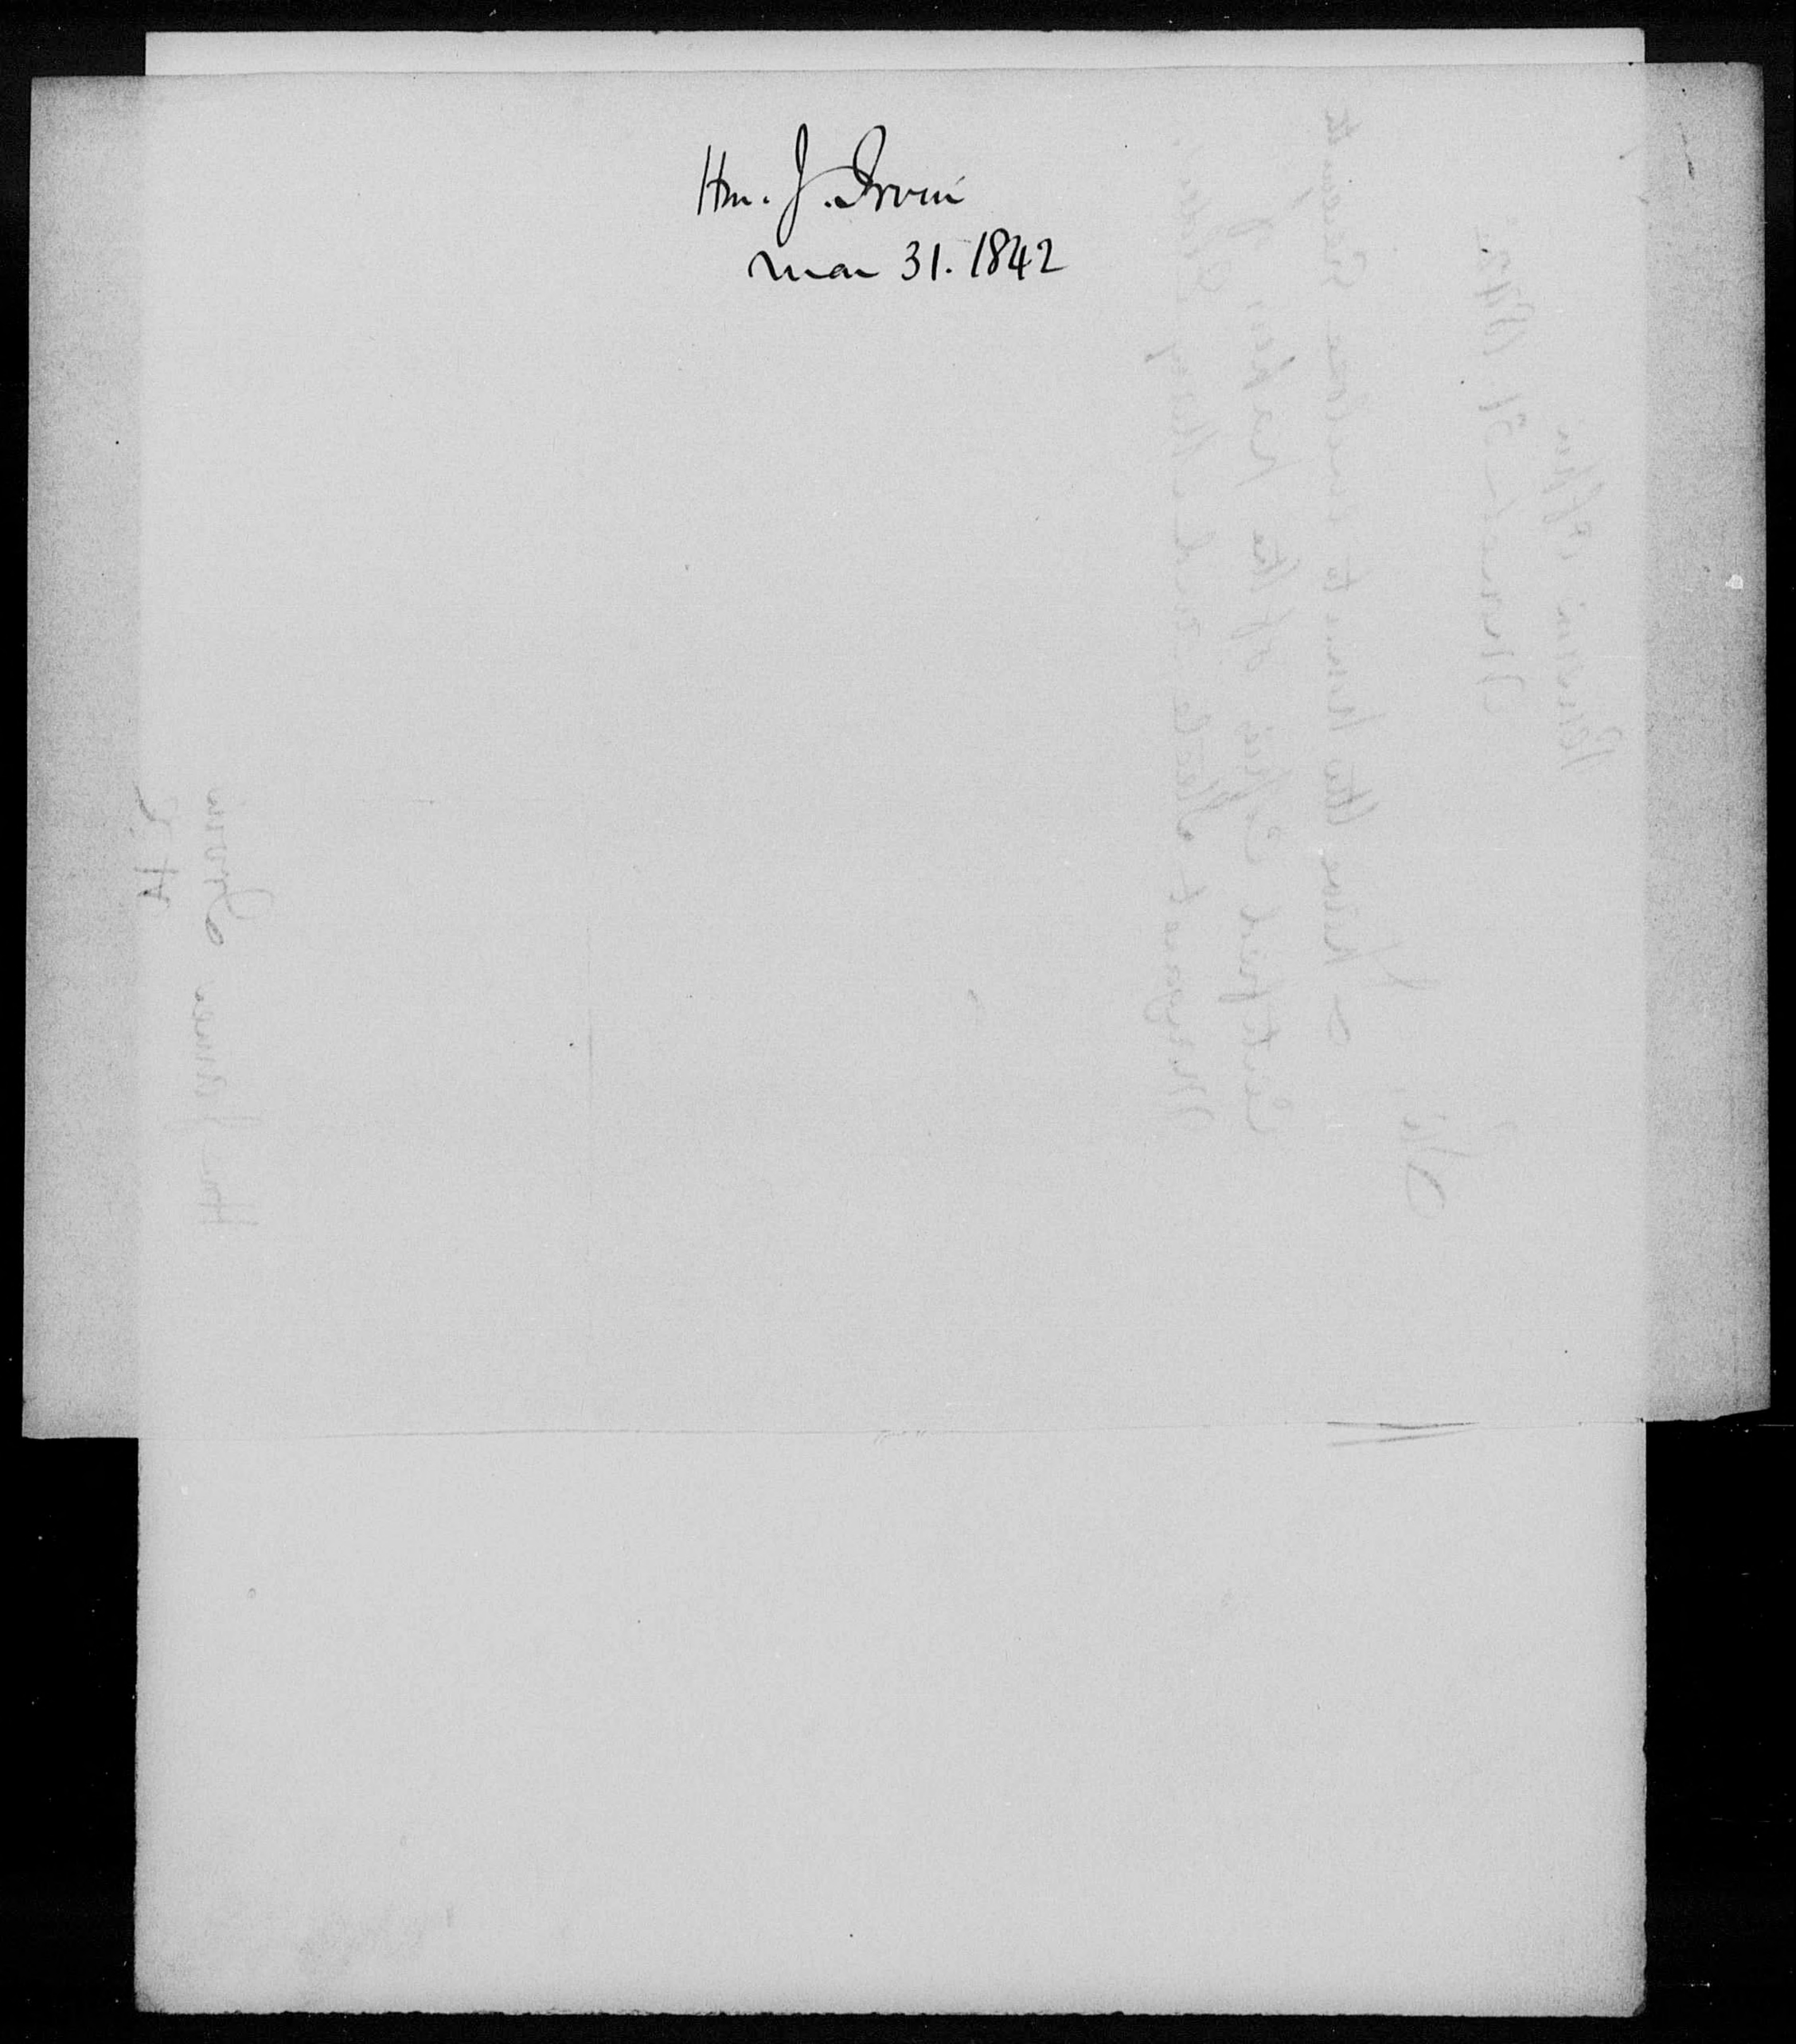Hon. J. Irvin
                      Mar 31 1842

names: J Irvin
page: 51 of 80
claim: widow's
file: W. 24117, John Elder, Penn.